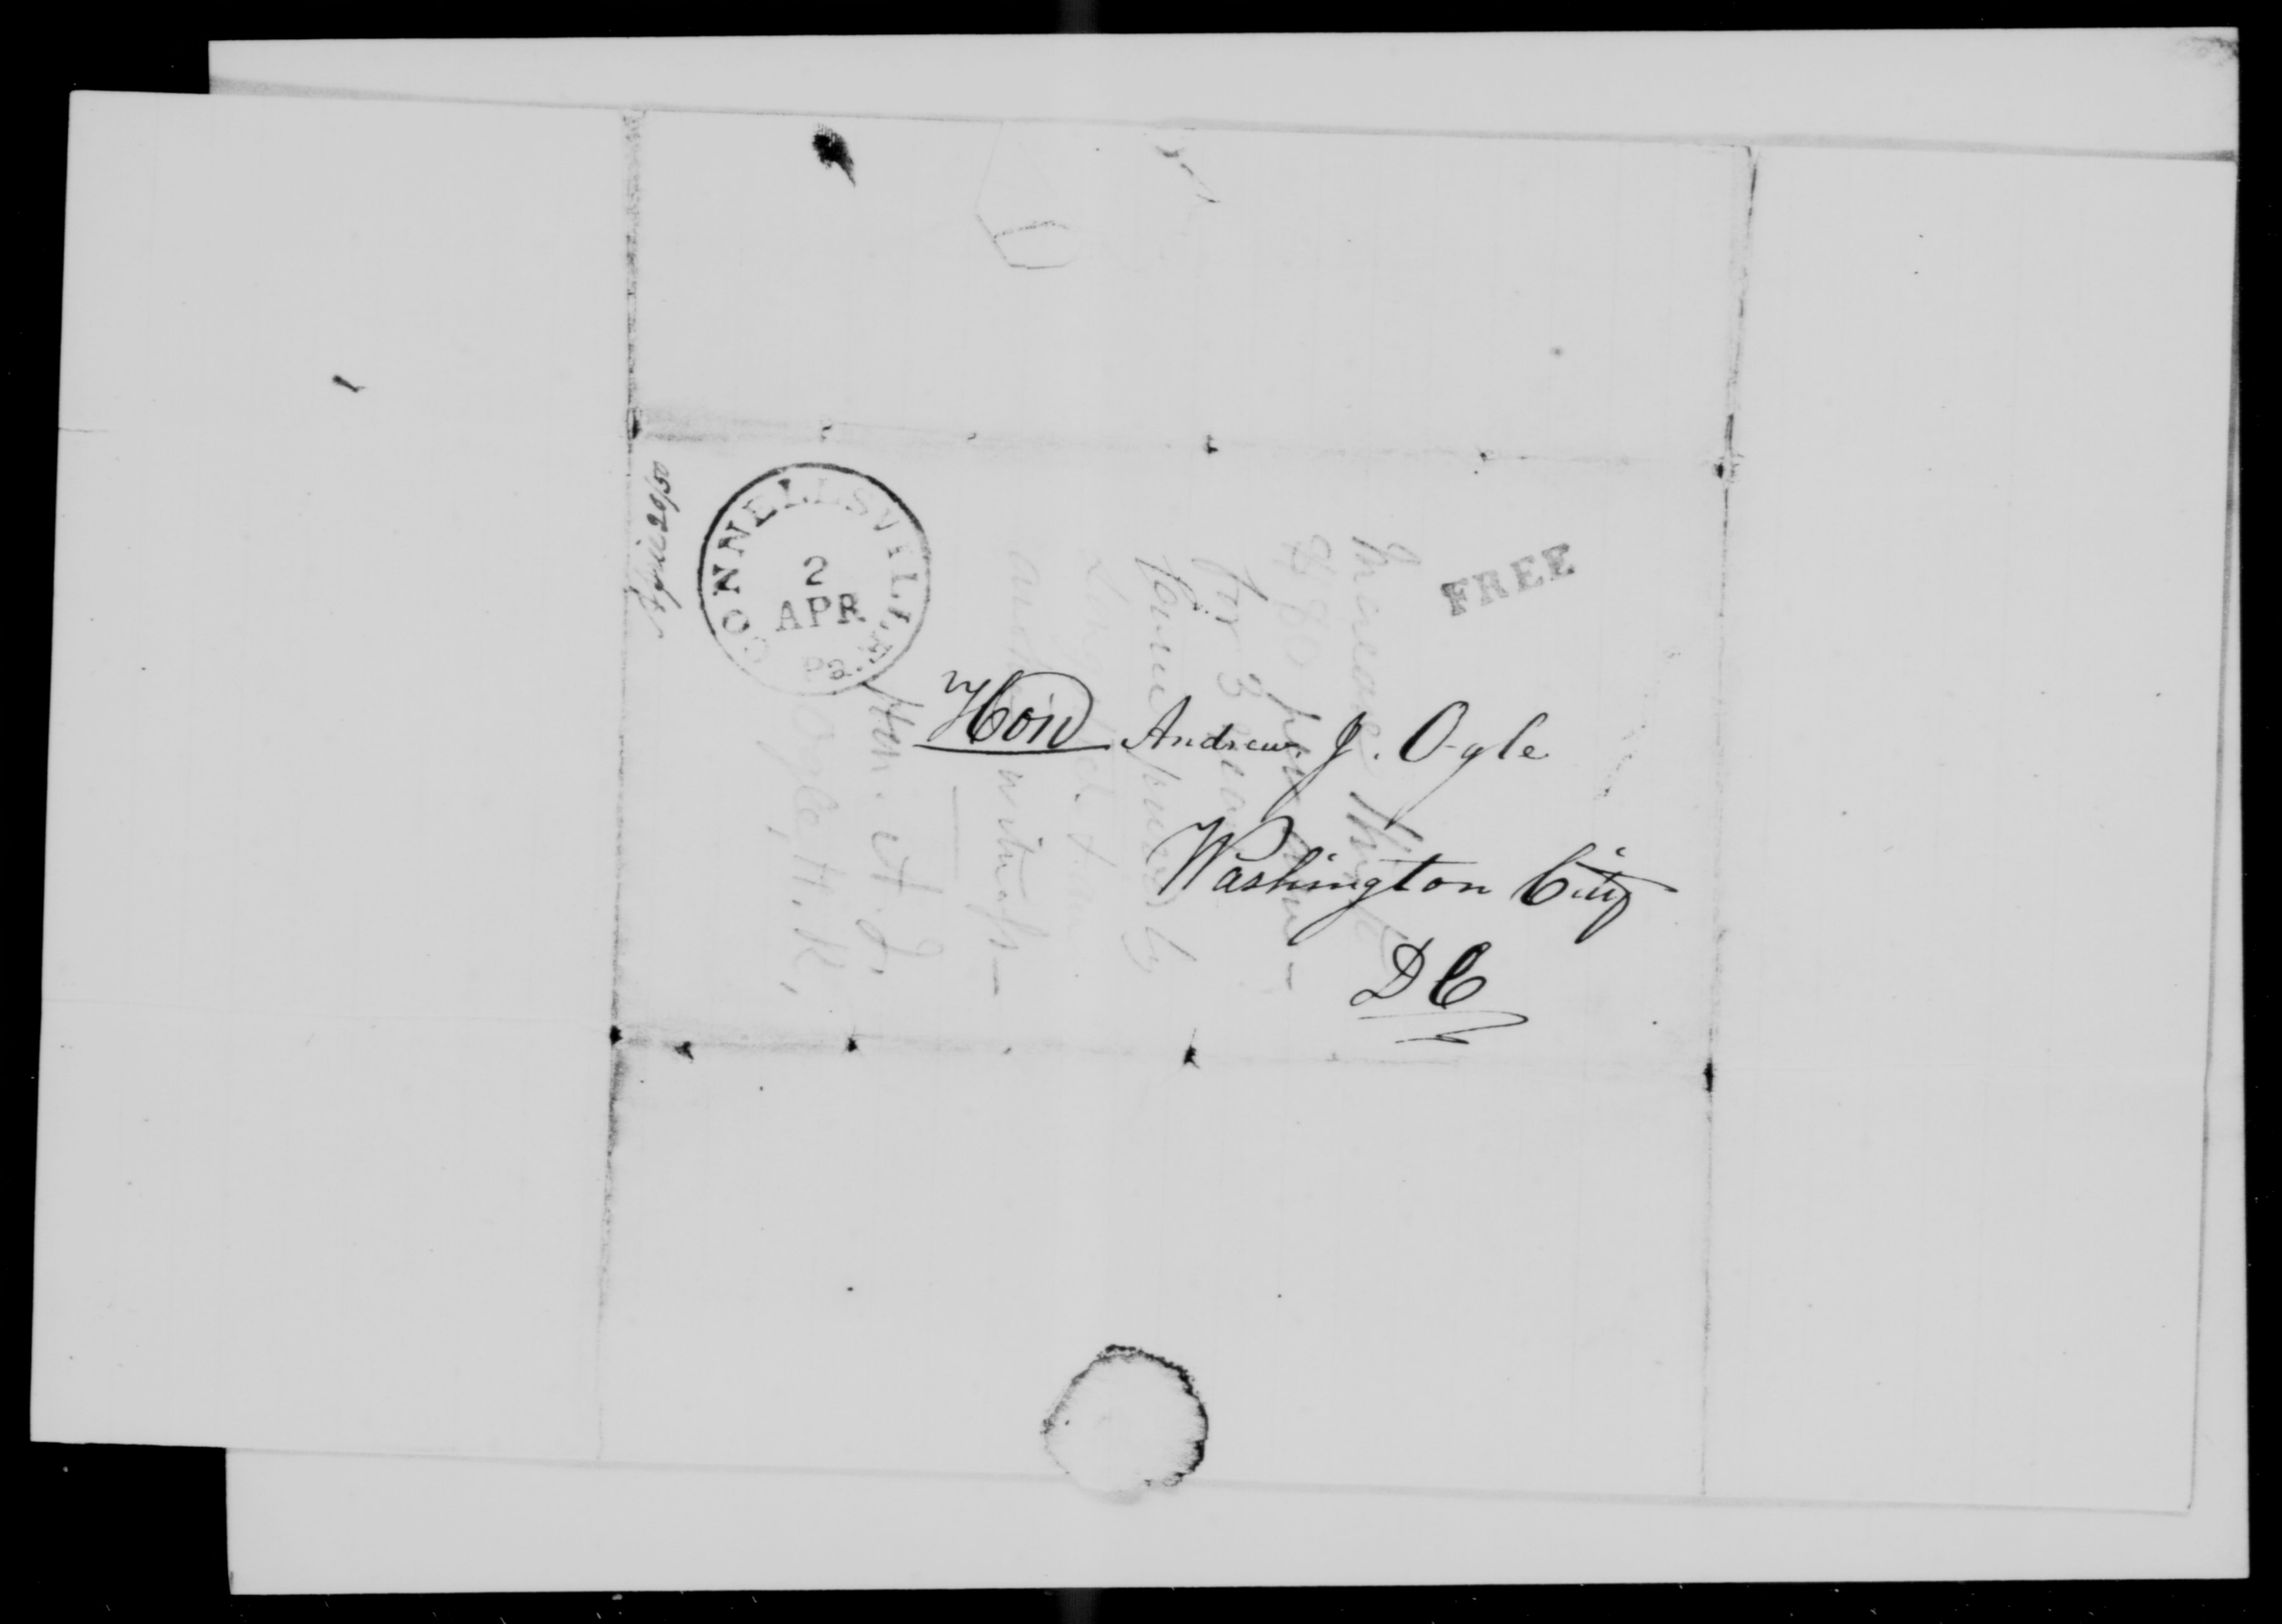[on left side, written vertically] April 20/50 [on left side written vertically]

[round stamp] CONNELLSVILLE [illegible] 2 Apr [round stamp]

[stamped] FREE [stamped]

Hon Andrew J. Ogle
Washington City D C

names: Andrew J Ogle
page: 61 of 73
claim: widow's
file: W. 3197, for Peter Stillwagon, New Jersey